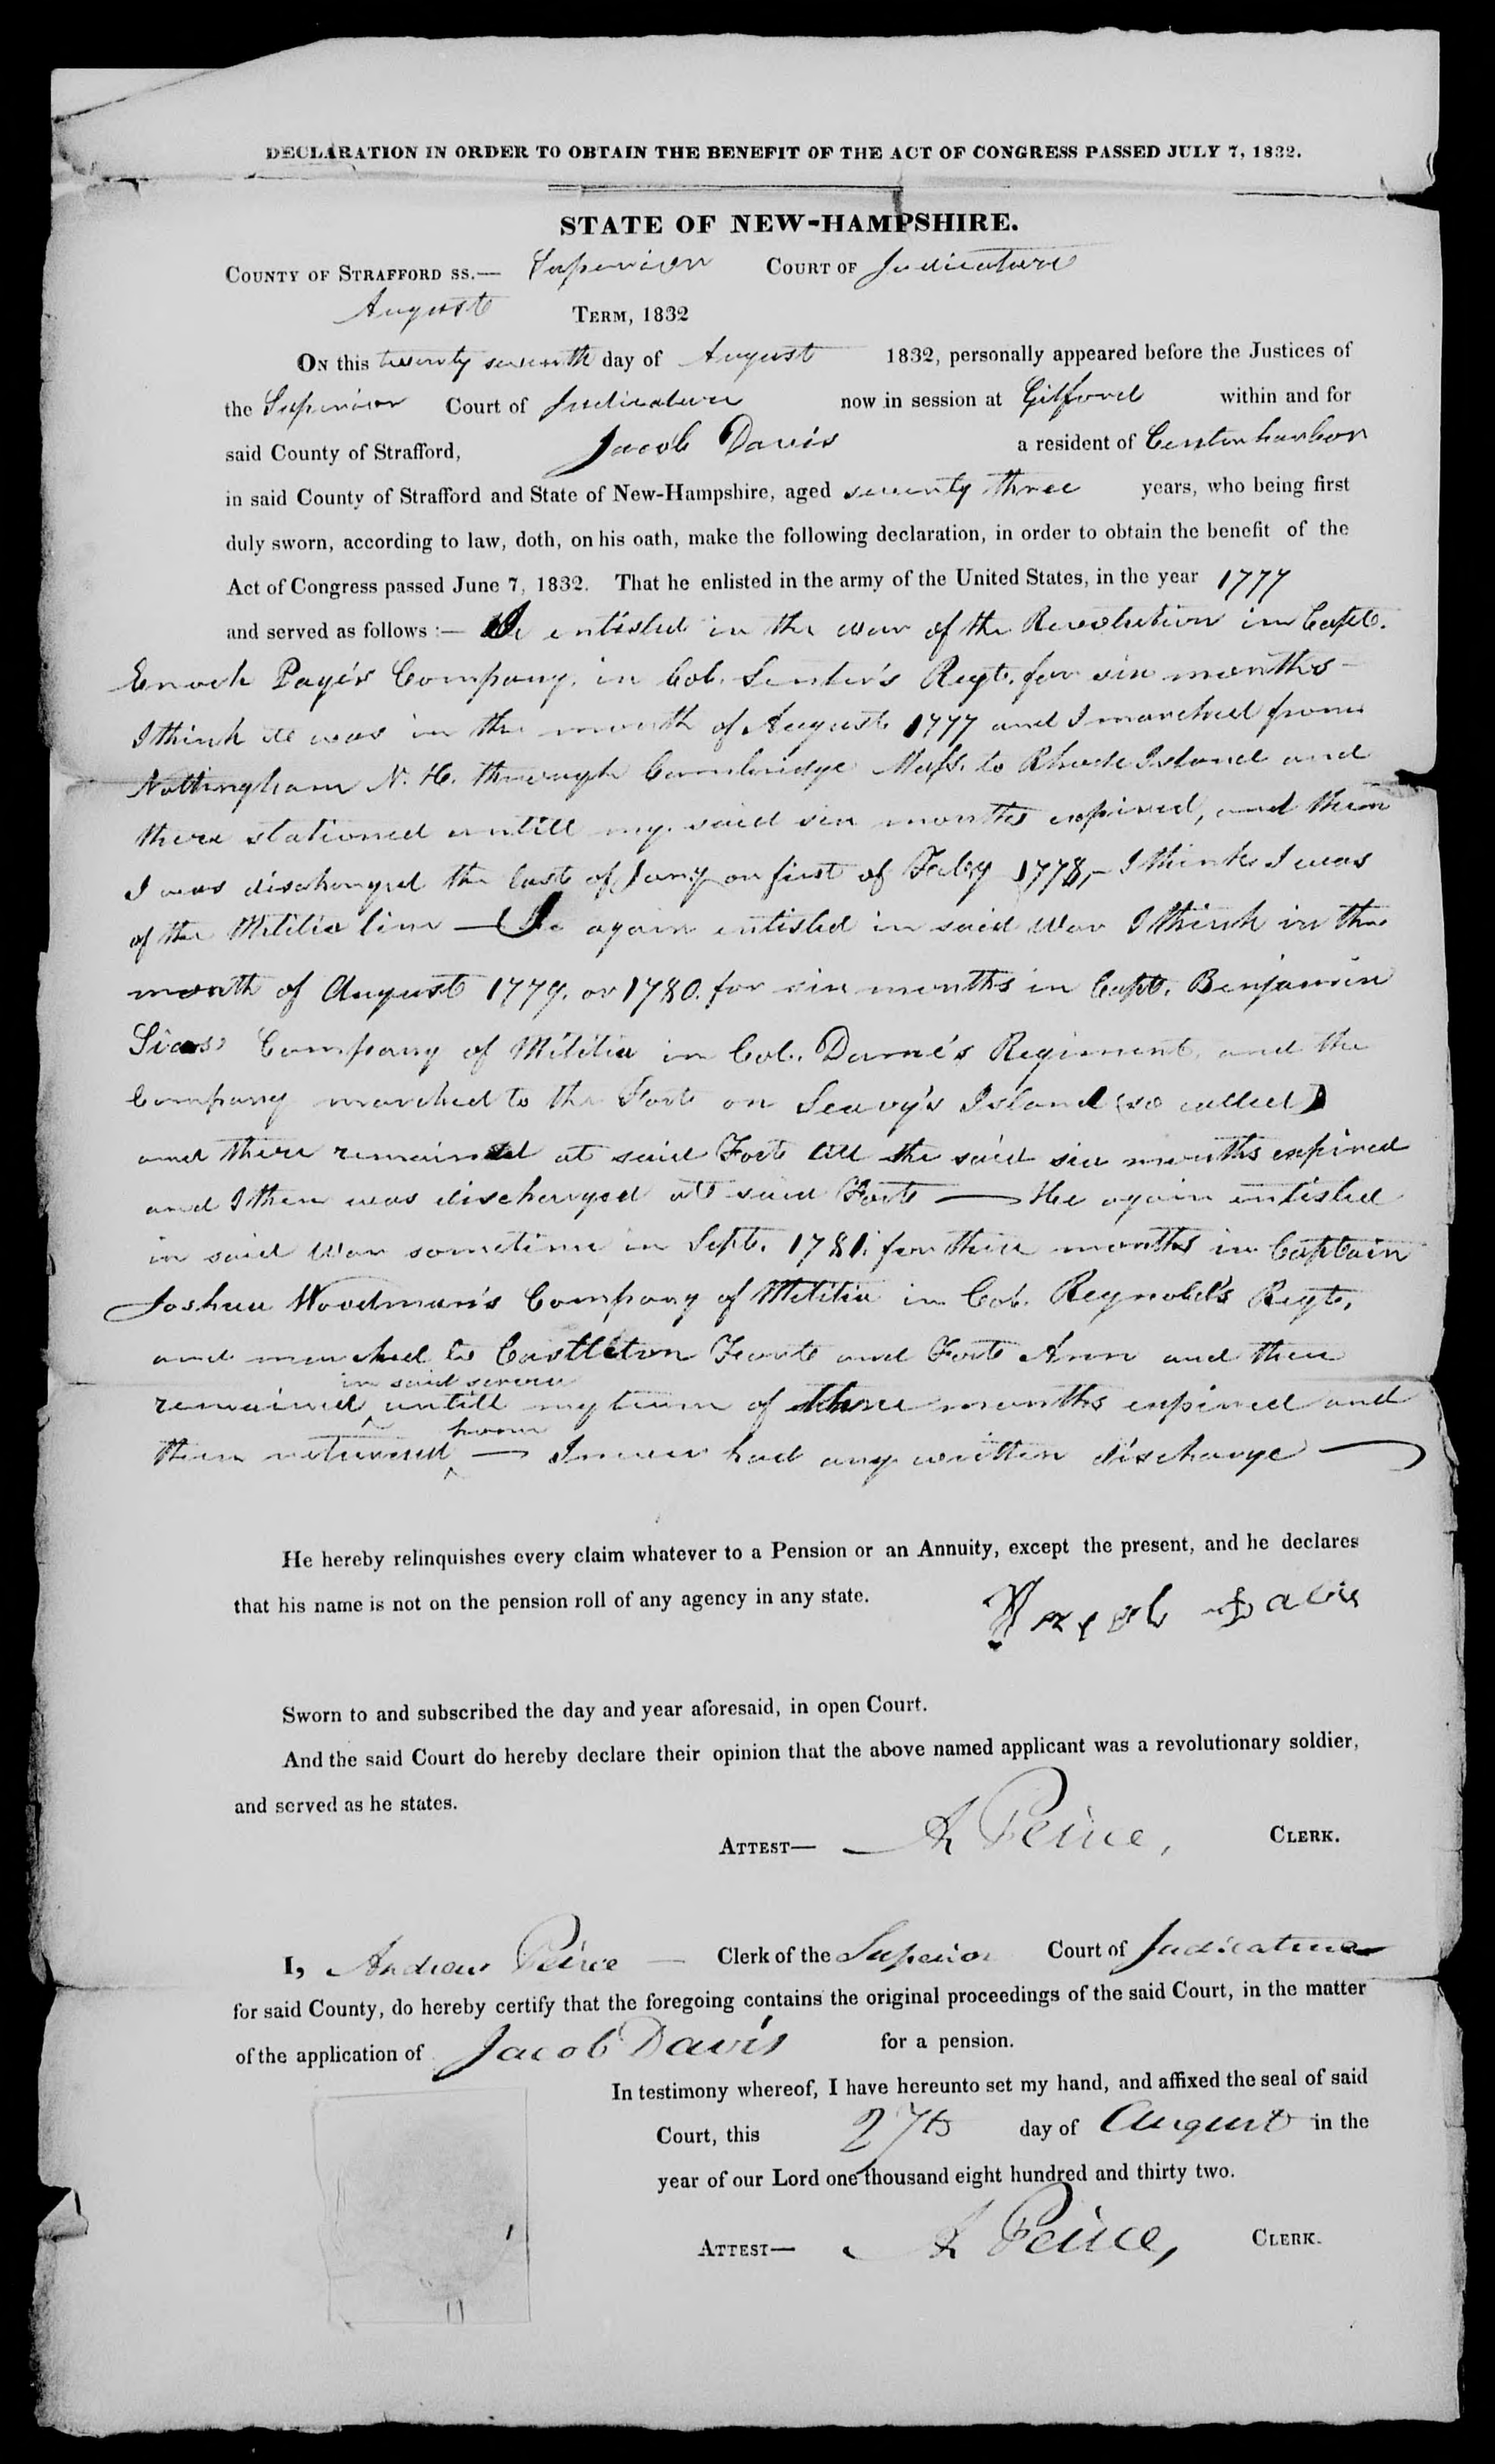Declaration in Order to Obtain the Benefit of the Act of Congress Passed July 7, 1832.

State of New-Hampshire.

County of Strafford SS. --Superior Court of Judiciature

August Term, 1832

On this twenty seventh day of August 1832, personally appeared before the  Justices of the Superior Court of Judicature now in session at Gilford within and for said County of Strafford, Jacob Davis a resident of Center Harbor in said County of Strafford and State of New-Hampshire, aged seventy-three years, who being first duly sworn, according to law, doth on his oath, make the following declaration, in order to obtain the benefit of the Act of Congress passed June 7, 1832.

That he enlisted in the war of the Revolution in Capt. Enoch Page's Company in Col. Senter's Regt. for six months -- I think it was in the month of August 1777 and I marched from Nottingham N.H. through Cambridge Mass. to Rhode Island were there stationed untill my said six months expired, and then I was discharged the last of Jany or first of Feby 1778.--

I think I was of the Militia line ==

I again enlisted in said War I think in the month of August 1779, or 1780. for six months in Capt. Benjamin Sias' Company of Militia in Col. Darne's Regiment and the Company marched to the Forts on Seavey's Island (so called) and there remained at said Forts till the said six month expired

and then I was discharged at said Forts --

He again enlisted in said War sometime in Sept. 1781. for three months in Captain Joshua Woodman's Company of Militia in Col. Reynold's Regt. and marched to Castleton Forte and Forte Ann and then remained in said service unitill my term of three months expired and then returned home   -- I never had any written discharge --

He hereby relinquishes every claim whatsoever to a Pension or an Annuity, except the present, and he declares that his name is not on the pension roll of any agency in any state.

Jacob Davis

Sworn to and subscribed the day and year aforesaid, in open Court.

And the said Court do hereby declare their opinion that the above named applicant was a revolutionary soldier, and served as he states.

Attest -- A. Peirce, Clerk

I, Andrew Peirce -- Clerk of the Superior Court of Judiscature for said County, do hereby certify that the foregoing contains the original proceedings of the said Court, in the matter of the application of Jacob Davis for a pension.

In testimony whereof, I have hereunto set my hand, and affixed the seal of said Court, this 27th day of August in the year of our Lord one thousand eight hundred and thirty two.

Attest -- A. Peirce, Clerk.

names: Jacob Davis, Jacob Davis, Andrew Peirce, A Peirce, Jacob Davis, A Peirce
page: 4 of 47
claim: widow's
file: W. 24043, Jacob Davis, N.H.